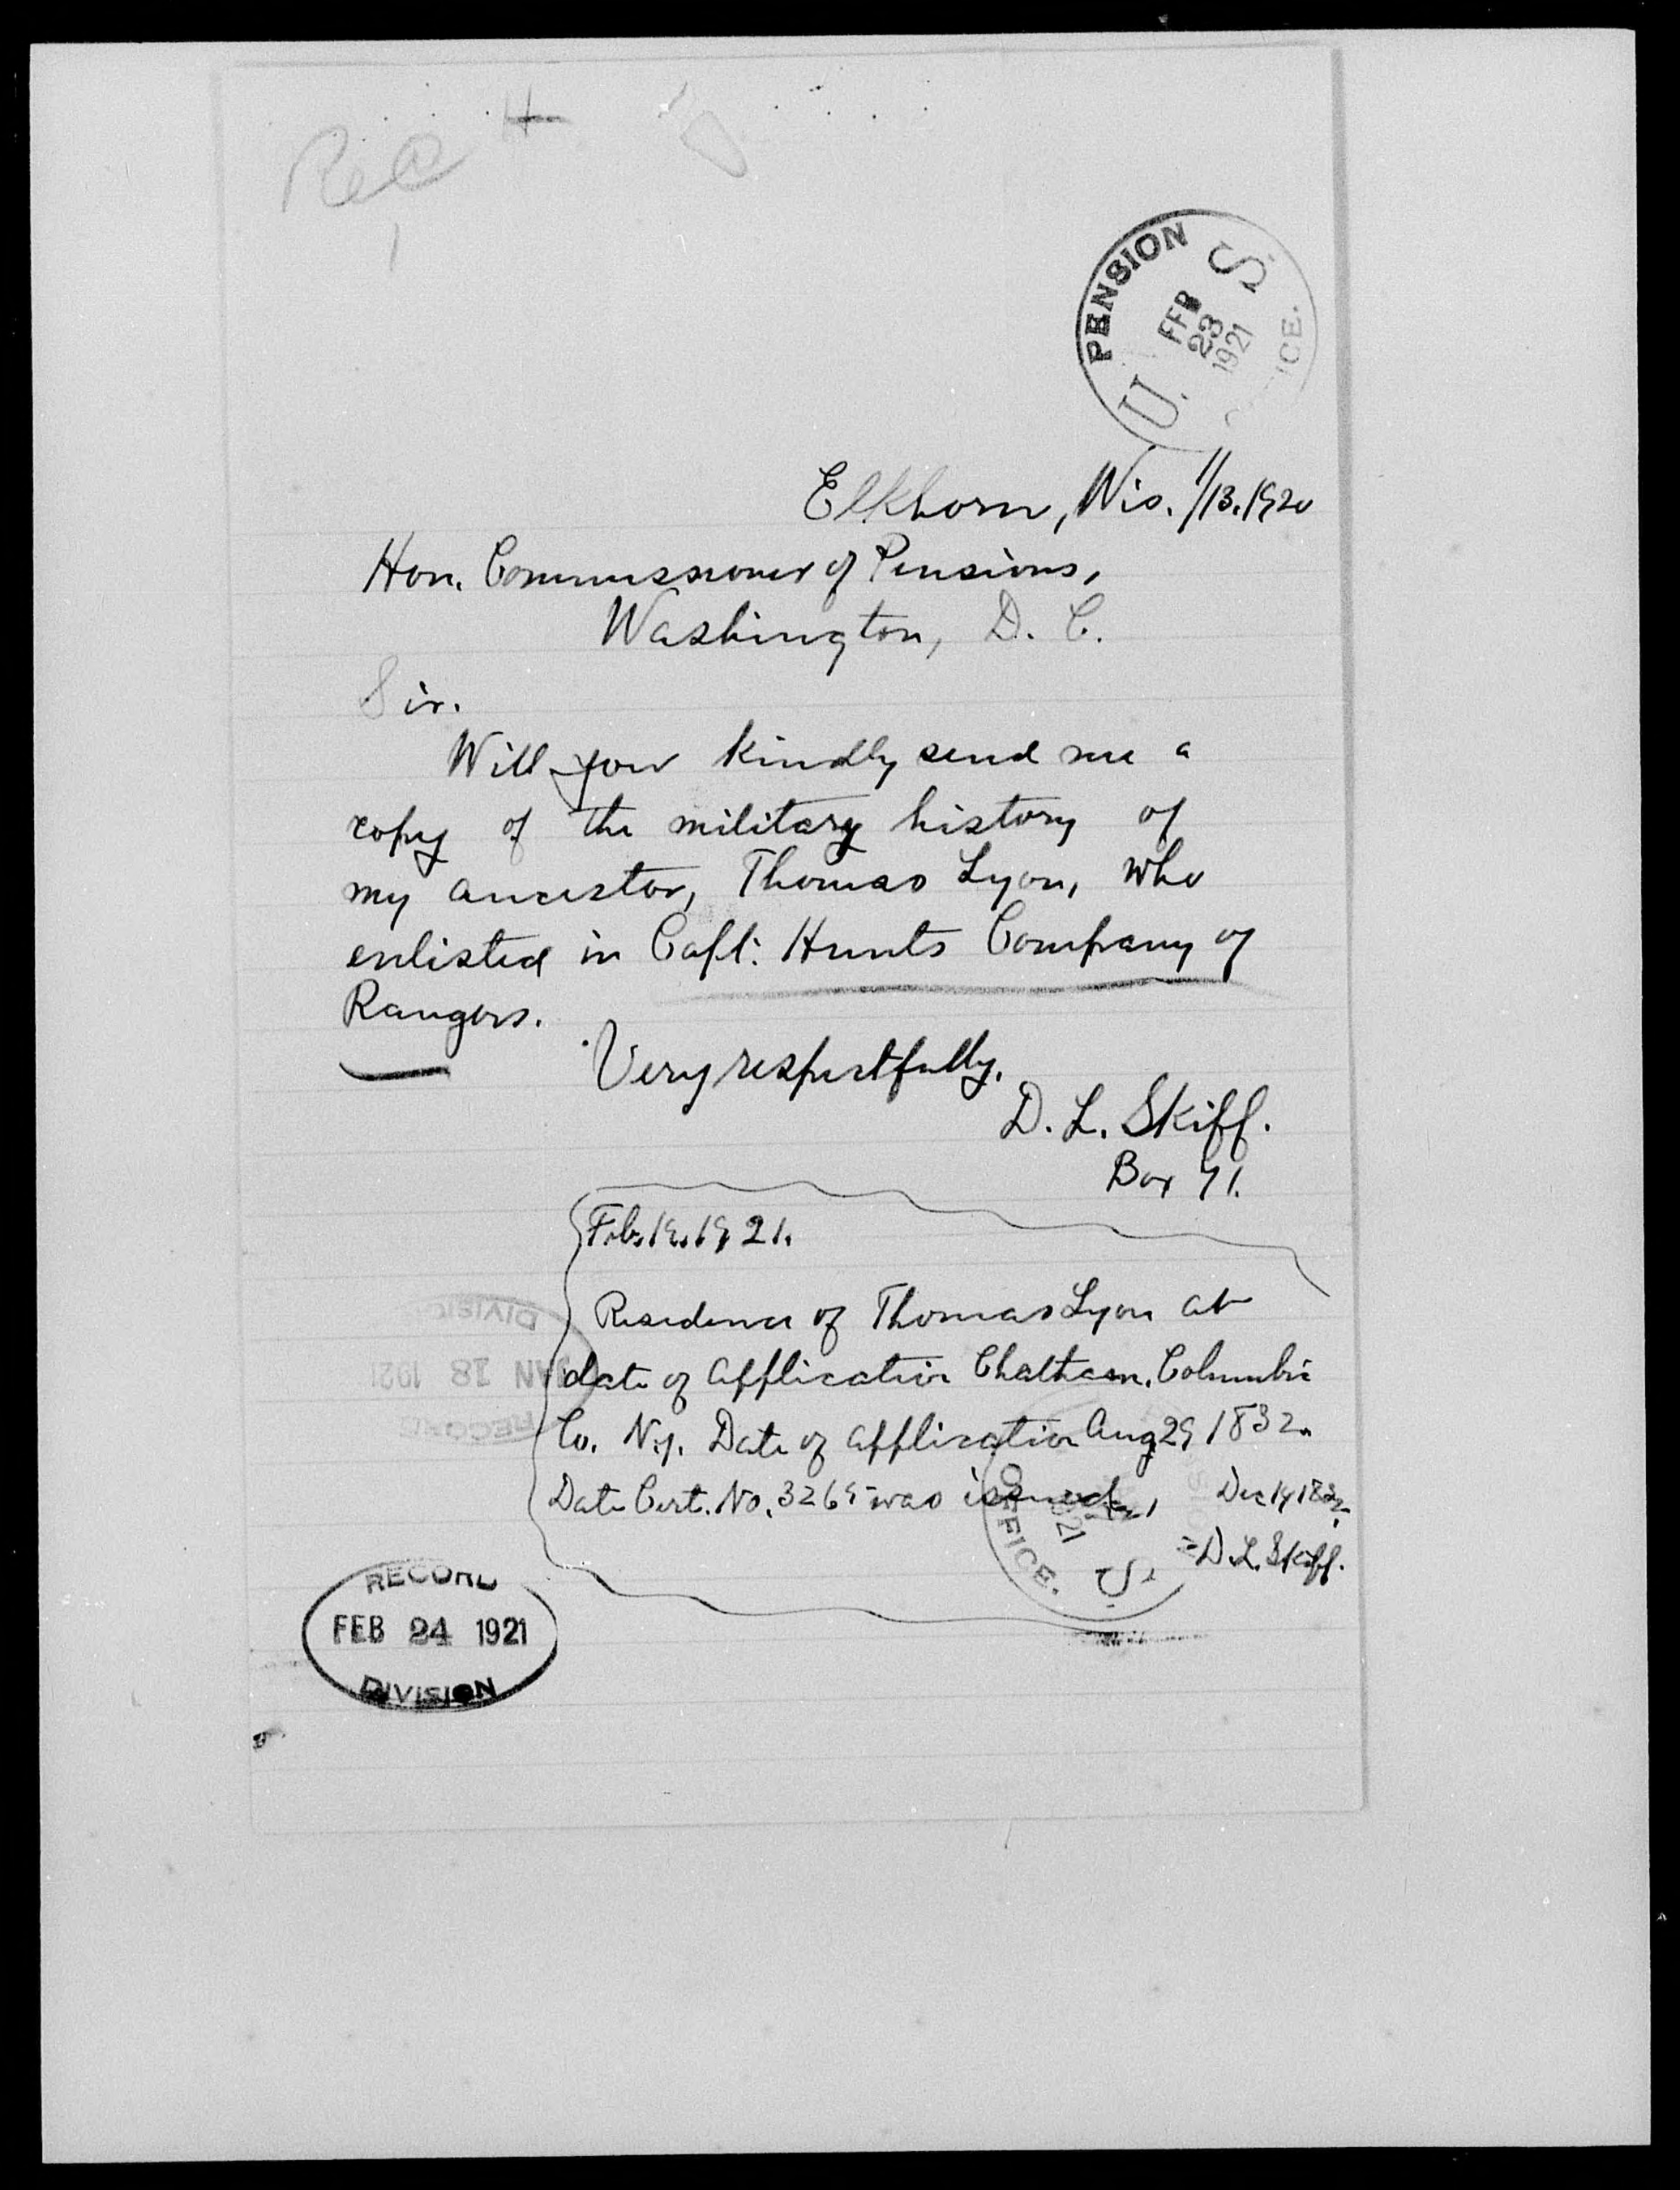[Stamp]U.S. PENSION OFFICE FEB 23 1921

Elkhorn, Wis 1/13./1920
Hon. Commissioner of Pensions,
Sir
Washington, D.C.
Will you kindly send me a
copy of the military history of
my ancestor, Thomas Lyon, who
enlisted in Capt. Hunts Company of
Elkhorn, Wis. (13, 1920
Rangers
Very respectfully
D.L. Skiff.
Box 71
.
Son
Feb. 19, 1921,
Residence of Thomas Lyon at
date of application Chatham, Columbia
Co. N.Y. Date of application Aug 29 1832
Date Cert. No. 3265 was issued Dec 14 1832
D.L. Skiff.

[Stamp]RECORD DIVISION FEB 24 1921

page: 17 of 28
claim: survivor's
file: S. 21,872, for Thomas Lyon, New York